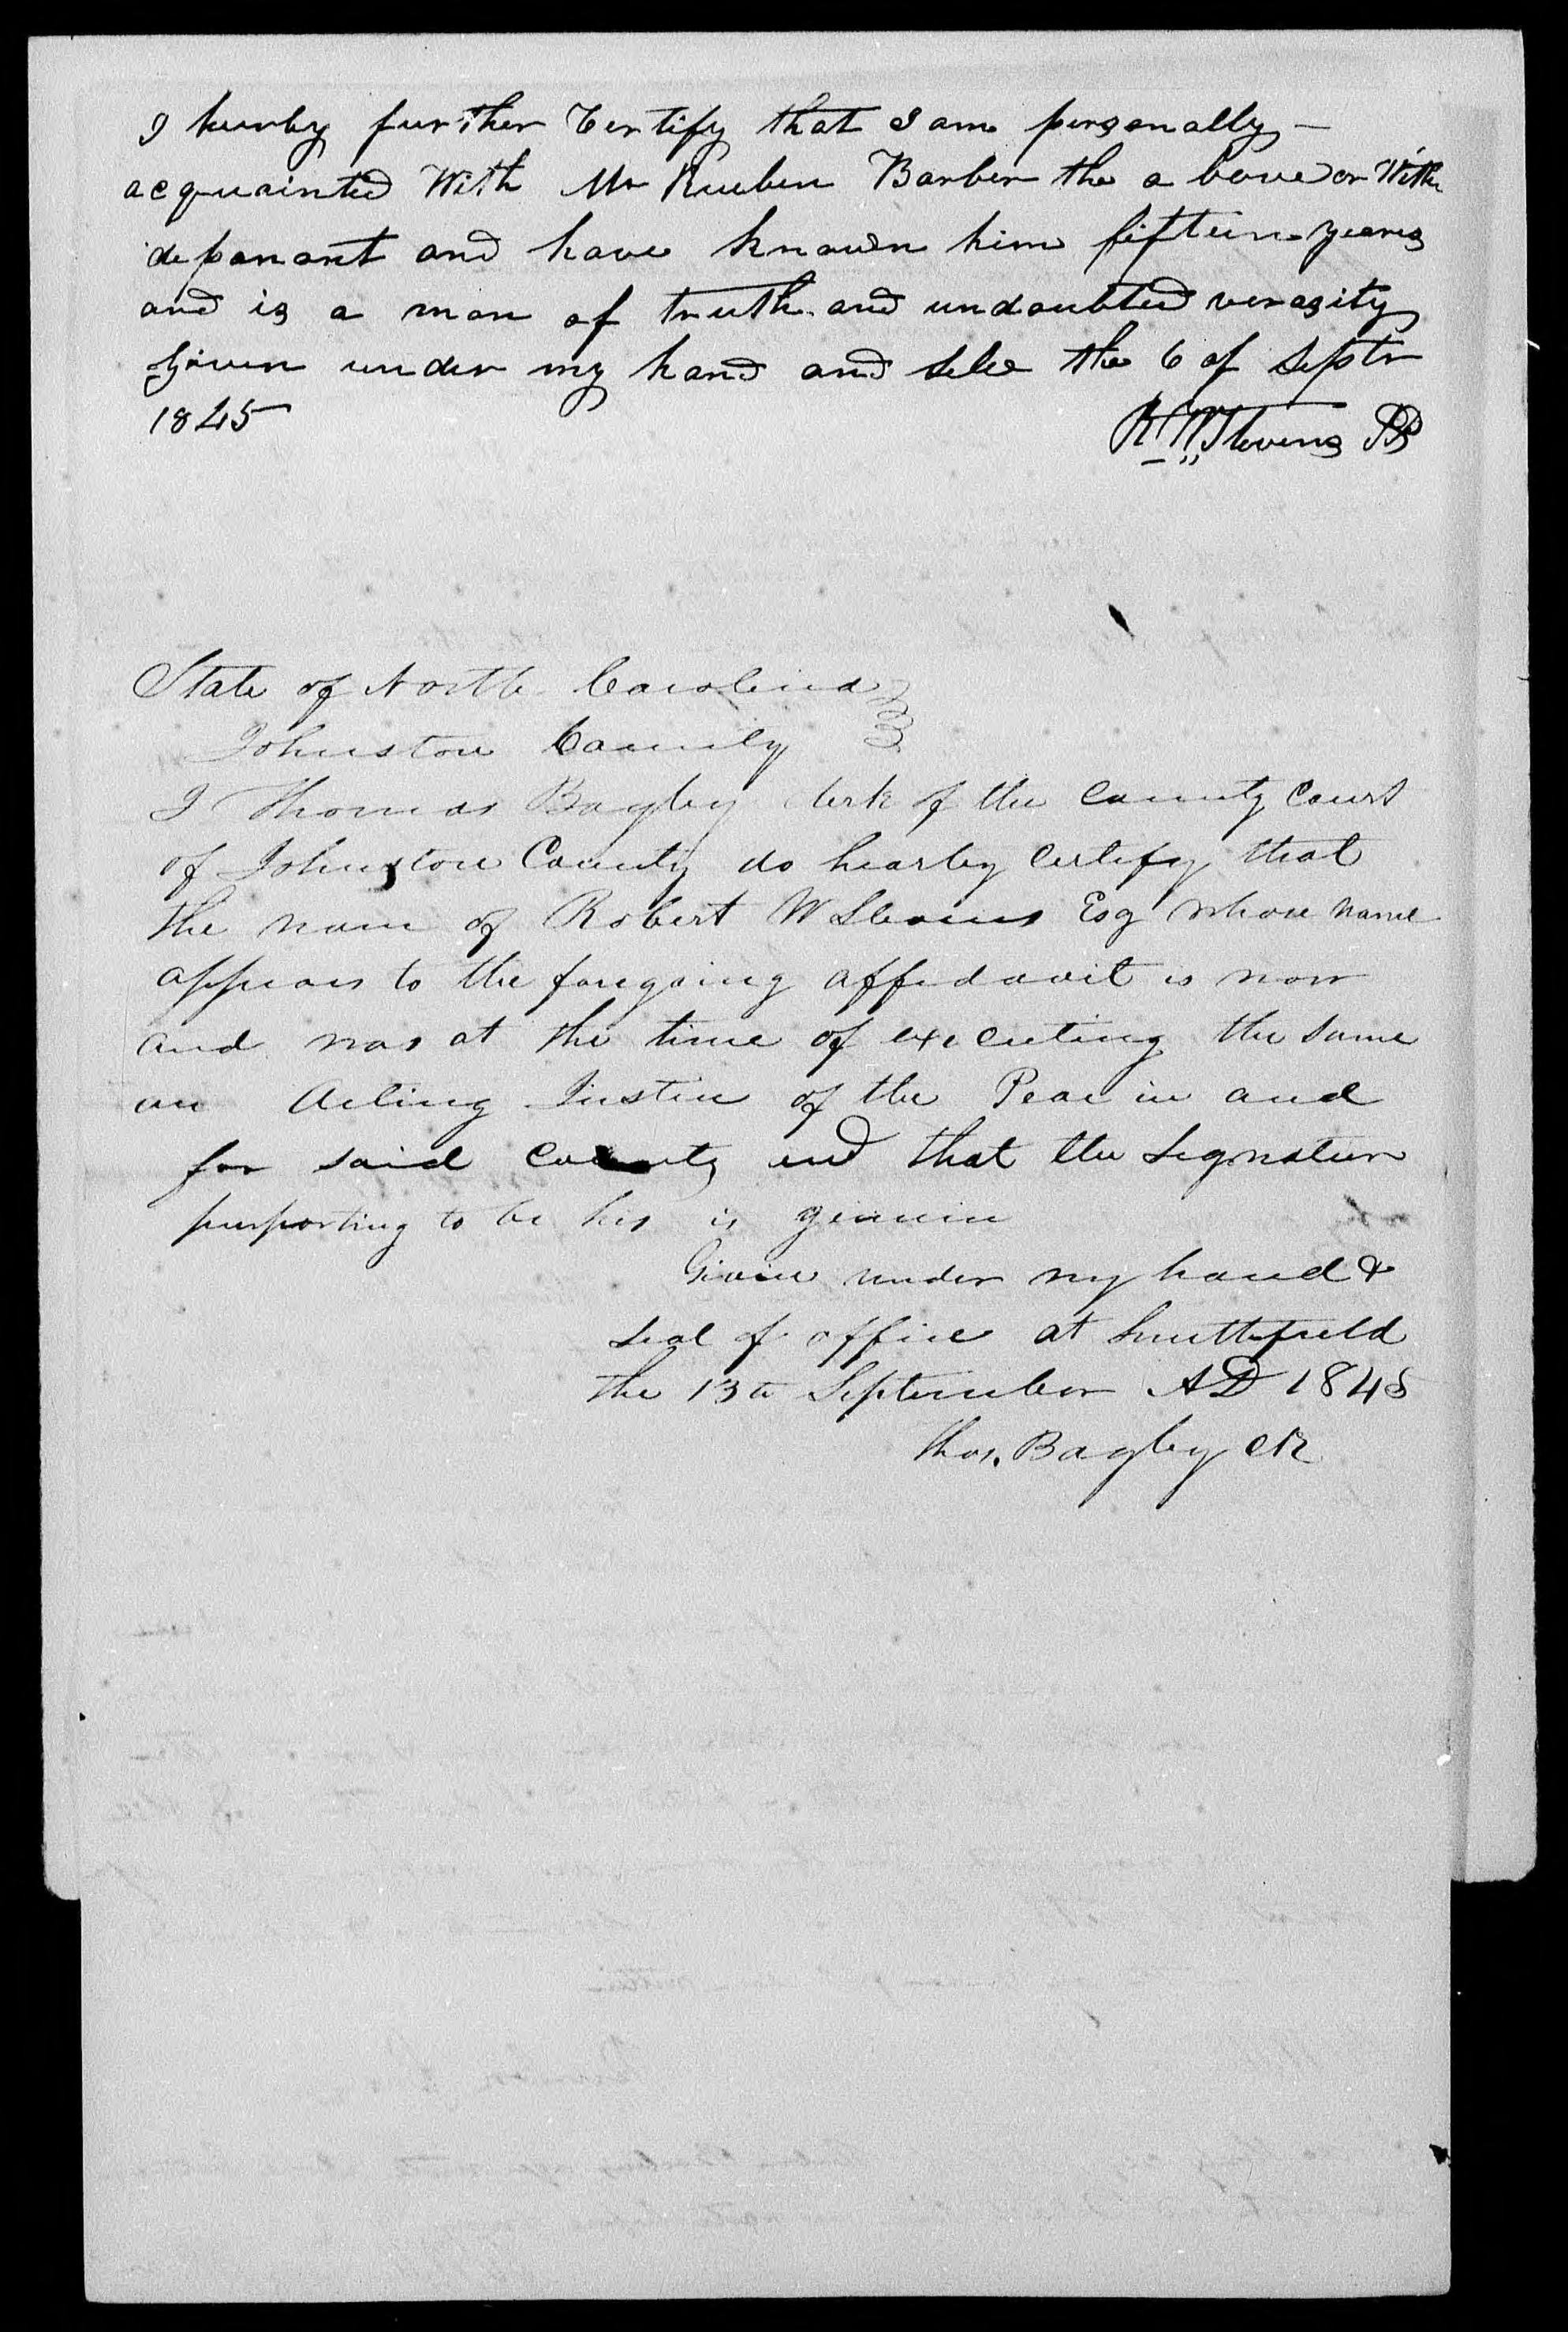I hereby further certify that I am personally acquainted with Mr. Reuben Barber the above written deponent and have known him fifteen years and is a man of truce and undoubted veracity. Given under my hand and seal the 6th of September 1845.
Robert W. Shaw

State of North Carolina
Johnston County
I, Thomas Bagley, Clerk of the County Court of Johnston County do hereby certify that the name of Robert W. Shaw, Esq., whose name appears in the foregoing affidavit is now and was at the time of executing the same an acting Justice of the Peace in and for said Court, and that the signature purporting to be hist is genuine.
Given under my hand and seal of office at Smithfield the 13th September A.D. 1848.
Thomas Bagley, Clerk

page: 64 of 74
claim: rejected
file: R. 5600, for Abel Johnson, North Carolina